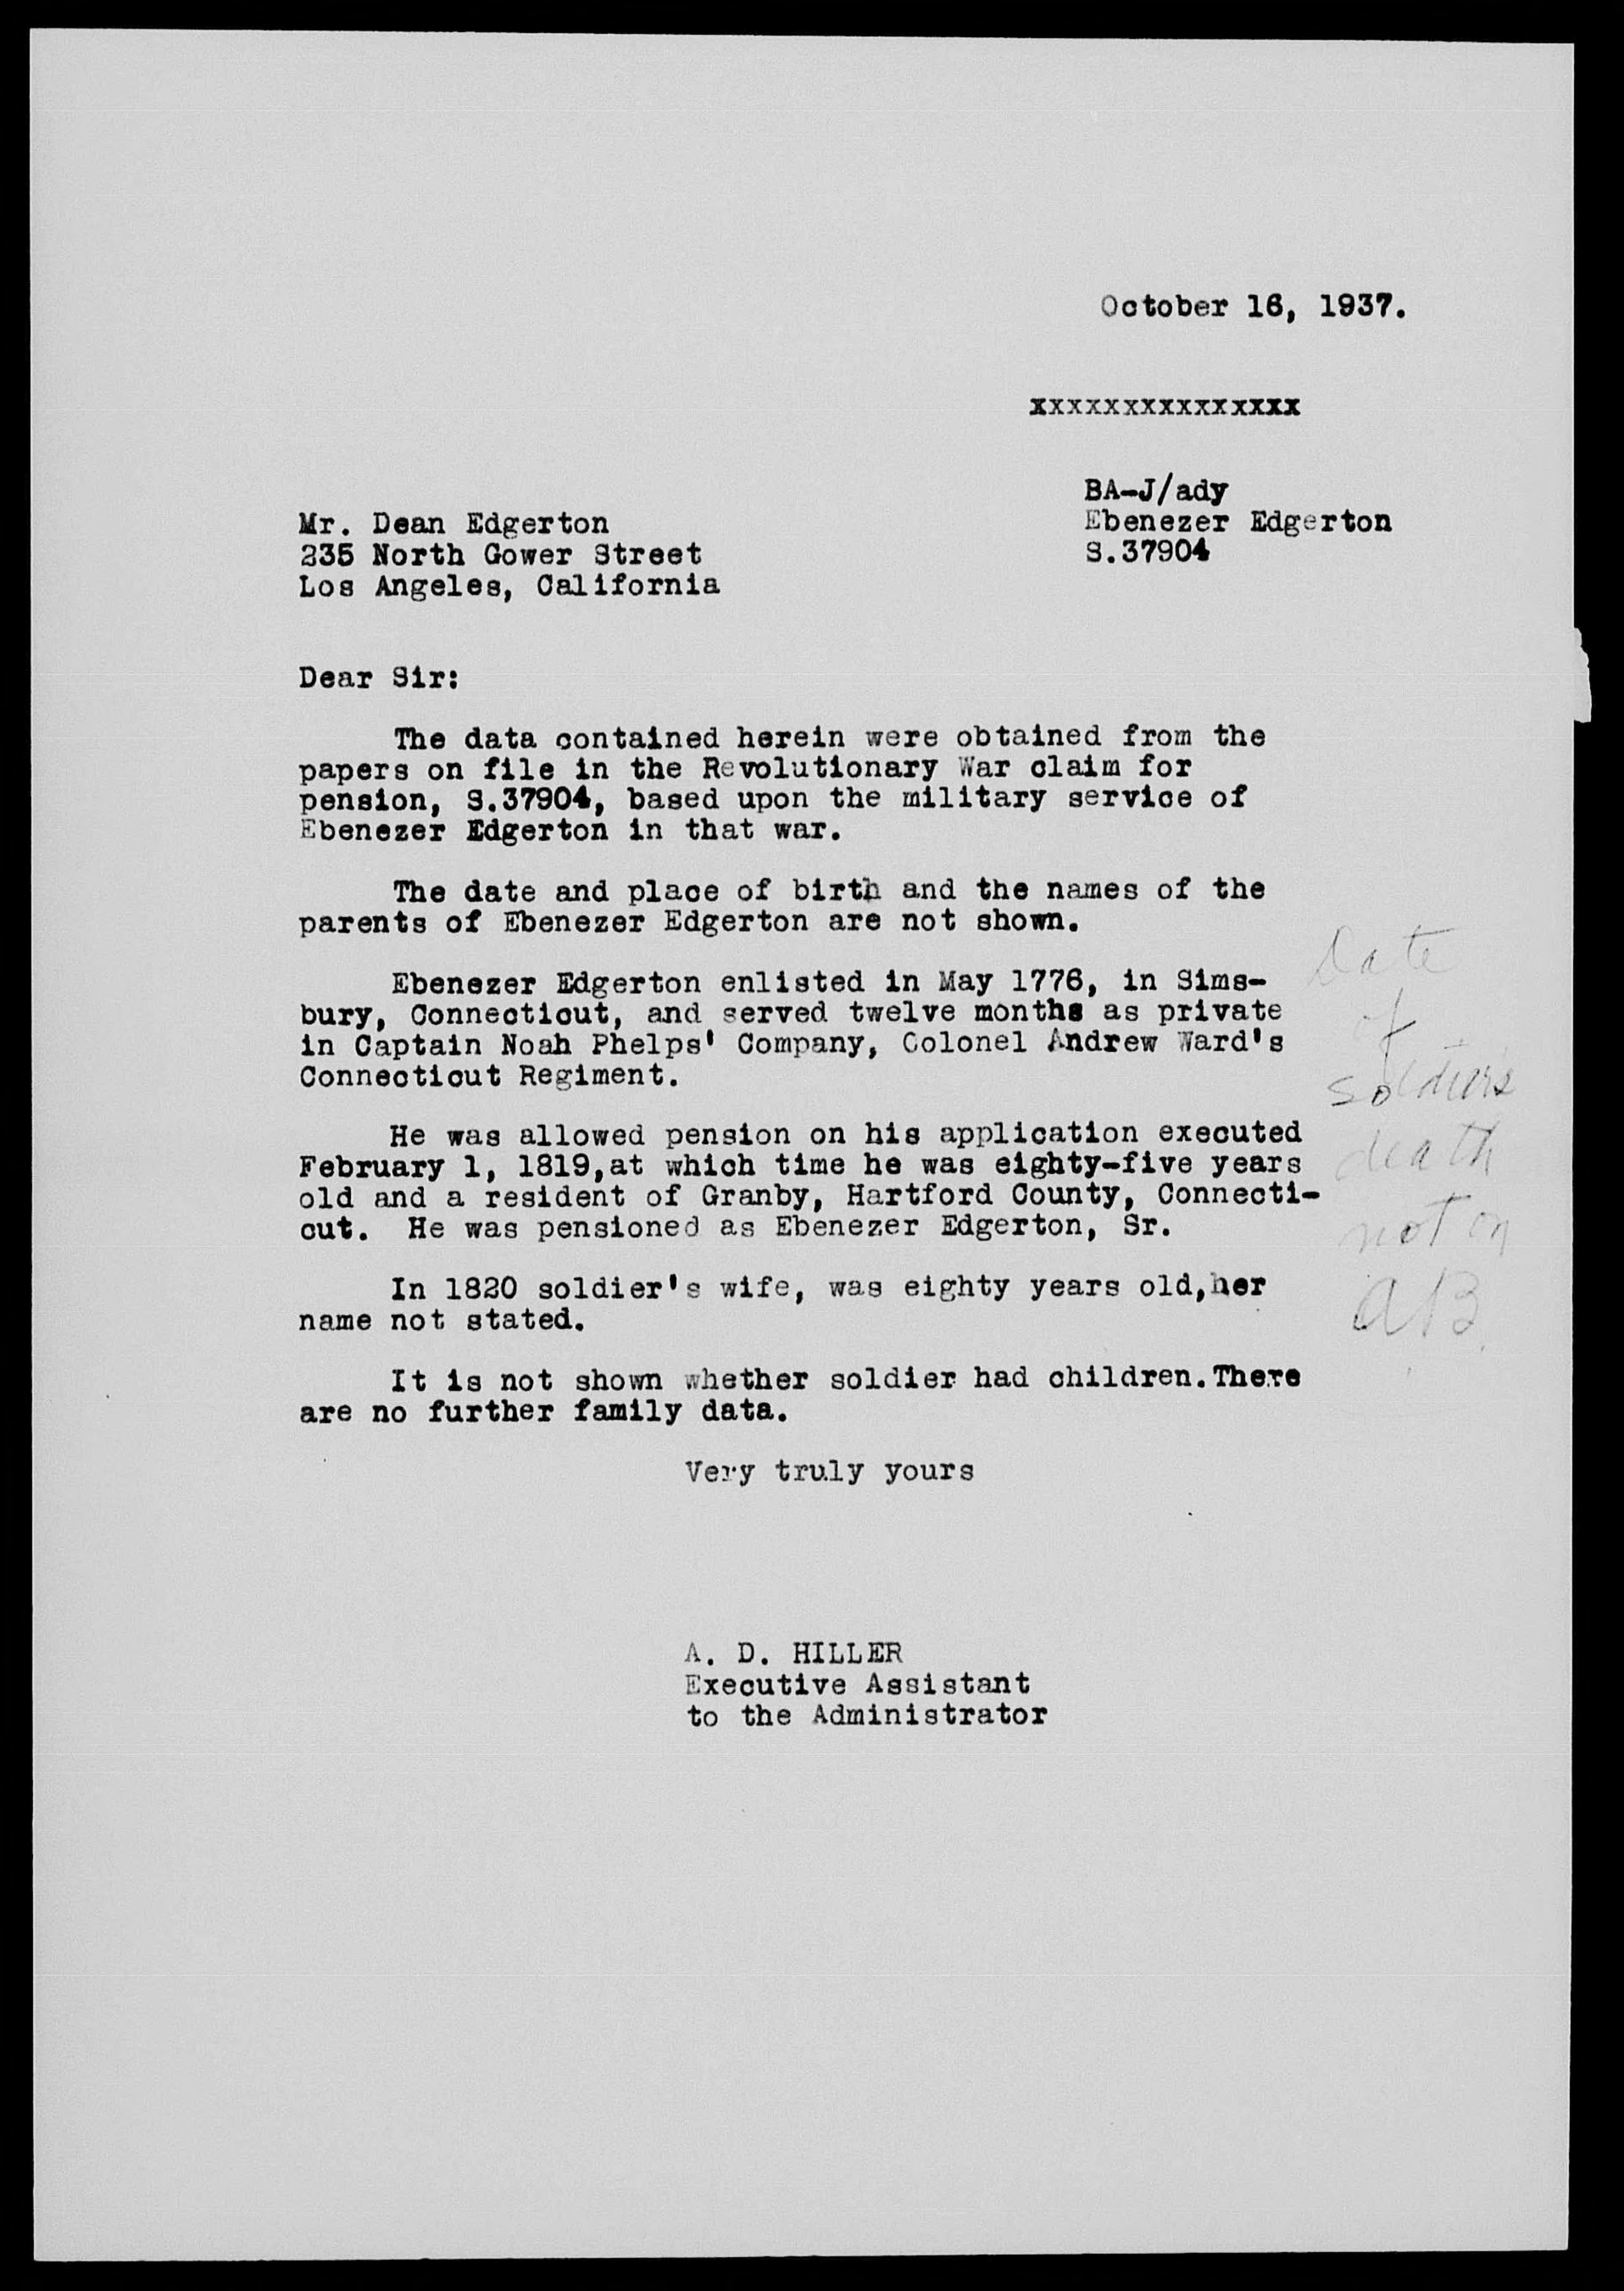October 16, 1937.

xxxxxxxxxxxxxxx

Mr. Dean Edgerton
235 North Gower Street
Los Angeles, California

BA-J/ady
Ebenezer Edgerton
S.37904

Dear Sir:

The data contained herein were obtained from the papers on file in the Revolutionary War claim for pension, S.37904, based upon the military service of Ebenezer Edgerton in that war.

The date and place of birth and the names of the parents of Ebenezer Edgerton are not shown.

Ebenezer Edgerton enlisted in May 1776, in Simsbury, Connecticut, and served twelve months as private in Captain Noah Phelps' Company, Colonel Andrew Ward's Connecticut Regiment.

He was allowed pension on his application executed February 1, 1819, at which time he was eighty-five years old and a resident of Granby, Hartford County, Connecticut. He was  pensioned as Ebenezer Edgerton, Sr.

In 1820 solder's wife, was eighty years old, her name is not stated.

It is not shown whether soldier had children. There are no further family data.

Very truly yours

A. D. Hiller
Executive Assistant 
to the Administrator

[Written in the right margin:]
Date of soldier's death not on AB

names: A D Hiller, Ebenezer Edgerton, Ebenezer Edgerton, Ebenezer Edgerton, Dean Edgerton, Ebenezer Edgerton, Ebenezer Edgerton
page: 10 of 18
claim: survivor's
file: S. 37,904, Ebenezer Edgerton, [BLANK]